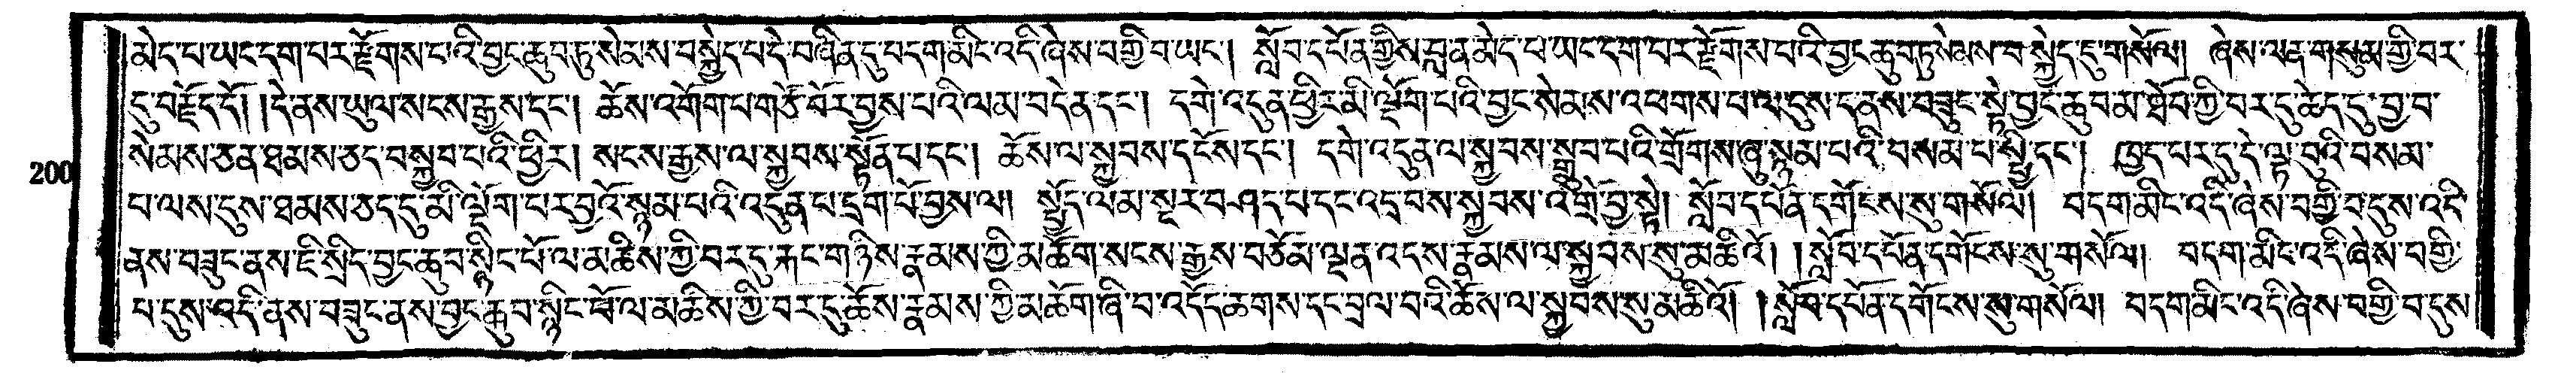མེད་པ་ཡང་དག་པར་རྫོགས་པའི་བྱང་ཆུབ་ཏུ་སེམས་བསྐྱེད་པ་དེ་བཞིན་དུ་བདག་མིང་འདི་ཞེས་བགྱི་བ་ཡང་། སློབ་དཔོན་གྱིས་བླ་ན་མེད་པ་ཡང་དག་པར་རྫོགས་པའི་བྱང་ཆུབ་ཏུ་སེམས་བསྐྱེད་དུ་གསོལ། ཞེས་ལན་གསུམ་གྱི་བར་
དུ་བརྗོད་དོ། །དེ་ནས་ཡུལ་སངས་རྒྱས་དང་། ཆོས་འགོག་པ་གཙོ་བོར་བྱས་པའི་ལམ་བདེན་དང་། དགེ་འདུན་ཕྱིར་མི་ལྡོག་པའི་བྱང་སེམས་འཕགས་པ་ལ་དུས་ད་ནས་བཟུང་སྟེ་བྱང་ཆུབ་མ་ཐོབ་ཀྱི་བར་དུ་ཆེད་དུ་བྱ་བ་
སེམས་ཅན་ཐམས་ཅད་བསྐྱབ་པའི་ཕྱིར། སངས་རྒྱས་ལ་སྐྱབས་སྟོན་པ་དང་། ཆོས་ལ་སྐྱབས་དངོས་དང་། དགེ་འདུན་ལ་སྐྱབས་སྒྲུབ་པའི་གྲོགས་ཞུ་སྙམ་པའི་བསམ་པ་སྤྱི་དང་། ཁྱད་པར་དུ་དེ་ལྟ་བུའི་བསམ་
པ་ལས་དུས་ཐམས་ཅད་དུ་མི་ལྡོག་པར་བྱའོ་སྙམ་པའི་འདུན་པ་དྲག་པོ་བྱས་ལ། སྤྱོད་ལམ་སྔར་བཤད་པ་དང་འདྲ་བས་སྐྱབས་འགྲོ་བྱ་སྟེ། སློབ་དཔོན་དགོངས་སུ་གསོལ། བདག་མིང་འདི་ཞེས་བགྱི་བ་དུས་འདི་
ནས་བཟུང་ནས་ཇི་སྲིད་བྱང་ཆུབ་སྙིང་པོ་ལ་མཆིས་ཀྱི་བར་དུ་རྐང་གཉིས་རྣམས་ཀྱི་མཆོག་སངས་རྒྱས་བཅོམ་ལྡན་འདས་རྣམས་ལ་སྐྱབས་སུ་མཆིའོ། །སློབ་དཔོན་དགོངས་སུ་གསོལ། བདག་མིང་འདི་ཞེས་བགྱི་
པ་དུས་འདི་ནས་བཟུང་ནས་བྱང་ཆུབ་སྙིང་པོ་ལ་མཆིས་ཀྱི་བར་དུ་ཆོས་རྣམས་ཀྱི་མཆོག་ཞི་བ་འདོད་ཆགས་དང་བྲལ་བའི་ཆོས་ནལ་སྐྱབས་སུ་མཆིའོ། །སློབ་དཔོན་དགོངས་སུ་གསོལ། བདག་མིང་འདི་ཞེས་བ་གྱི་བ་དུས་